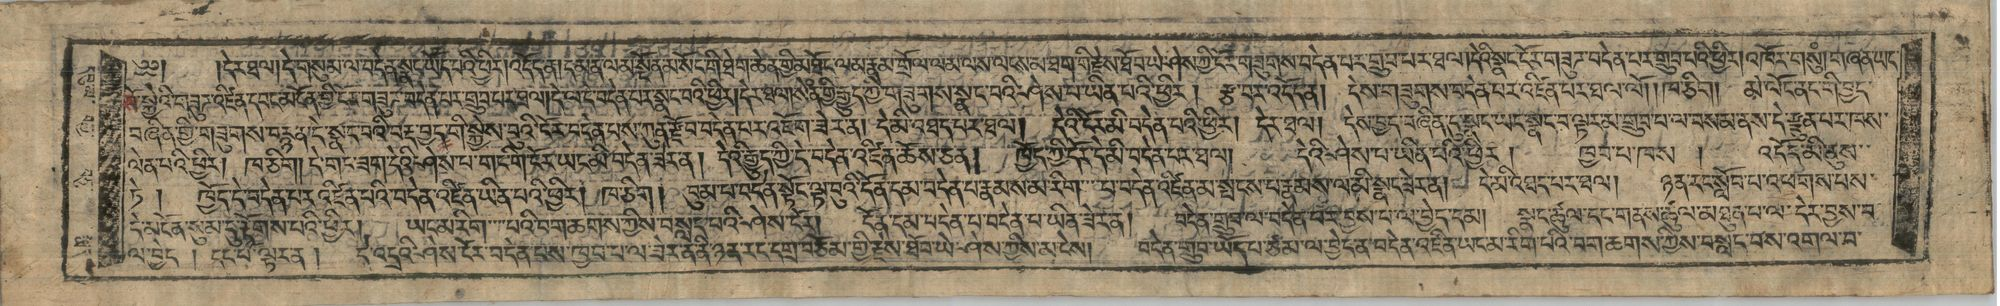༄༅། །དེར་ཐལ། དེ་གསུམ་ལ་བདེན་སྣང་ཡོད་པའི་ཕྱིར། འདོད་ན། དམན་ལམ་སྔོན་མ་སོང་གི་ཐེག་ཆེན་གྱི་མཐོང་ལམ་རྣམ་གྲོལ་ལམ་ལས་ལངས་མ་ཐག་གི་རྗེས་ཐོབ་ཡེ་ཤེས་ཀྱི་ངོར་གཟུགས་བདེན་པར་གྲུབ་པར་ཐལ། དེའི་སྣང་ངོར་གཟུགས་བདེན་པར་གྲུབ་པའི་ཕྱིར། འཁོར་གསུམ། གཞན་ཡང་
སོ་སྐྱེའི་གཟུགས་འཛིན་དབང་མངོན་གྱི་ངོར་གཟུགས་བདེན་པར་གྲུབ་པར་ཐལ། དེ་ལ་དེ་བདེན་པར་སྣང་བའི་ཕྱིར། དེར་ཐལ། སེམས་ཅན་གྱི་རྒྱུད་ཀྱི་གཟུགས་སྣང་བའི་ཤེས་པ་ཡིན་པའི་ཕྱིར། རྩ་བར་འདོད་ན། དེས་གཟུགས་བདེན་པར་འཛིན་པར་ཐལ་ལོ། །ཁ་ཅིག །མེ་ལོང་ནང་གི་བྱད་
བཞིན་གྱི་གཟུགས་བརྙན་དེ་སྣང་བའི་བརྡ་བྱང་གི་སྐྱེས་བུའི་ངོར་བདེན་པས་ཀུན་རྫོབ་བདེན་པར་འཇོག་ཟེར་ན། དེ་མི་འཐད་པར་ཐལ། དེའི་ངོར་མི་བདེན་པའི་ཕྱིར། དེར་ཐལ། དེས་བྱད་བཞིན་དུ་སྣང་ཡང་སྣང་བ་ལྟར་མ་གྲུབ་པ་ལ་བསམ་ནས་དེ་རྫུན་པར་ཁས་
ལེན་པའི་ཕྱིར། ཁ་ཅིག །དེ་གང་ཟག་དེའི་ཤེས་པ་གང་གི་ངོར་ཡང་མི་བདེན་ཟེར་ན། དེའི་རྒྱུད་ཀྱི་དེ་བདེན་འཛིན་ཆོས་ཅན། ཁྱོད་ཀྱི་ངོར་དེ་མི་བདེན་པར་ཐལ། དེའི་ཤེས་པ་ཡིན་པའི་ཕྱིར། ཁྱབ་པ་ཁས། འདོད་མི་ནུས་
ཏེ། ཁྱོད་དེ་བདེན་པར་འཛིན་པའི་བདེན་འཛིན་ཡིན་པའི་ཕྱིར། ཁ་ཅིག །བུམ་པ་བདེན་སྟོང་ལྟ་བུའི་དོན་དམ་བདེན་པ་རྣམས་མ་རིག་པ་བདེན་འཛིན་མ་སྤངས་པ་རྣམས་ལ་མི་སྣང་ཟེར་ན། དེ་མི་འཐད་པར་ཐལ། ཉན་རང་སློབ་པ་འཕགས་པས་
དེ་མངོན་སུམ་དུ་རྟོགས་པའི་ཕྱིར། ཡང་མ་རིག་པའི་བག་ཆགས་ཀྱིས་བསླད་པའི་ཤེས་ངོར། དོན་དམ་བདེན་པ་བདེན་པ་ཡིན་ཟེར་ན། བདེན་གྲུབ་ལ་བདེན་པར་བྱས་པ་ལ་བྱེད་དམ། སྣང་ཚུལ་དང་གནས་ཚུལ་མ་ཐུན་པ་ལ་དེར་བྱས་པ་
ལ་བྱད། དང་པོ་ལྟར་ན། དེ་འདྲའི་ཤེས་ངོར་བདེན་པས་ཁྱབ་པ་ལ་ཟེར་ན་ནི་ཉན་རང་དགྲ་བཅོམ་གྱི་རྗེས་ཐོབ་ཡེ་ཤེས་ཀྱི་མ་ངེས། བདེན་གྲུབ་ཡོད་པ་ཙམ་ལ་བྱེད་ན་བདེན་འཛིན་ཡང་མ་རིག་པའི་བག་ཆག་ཀྱིས་བསླད་བས་འགལ་བ་